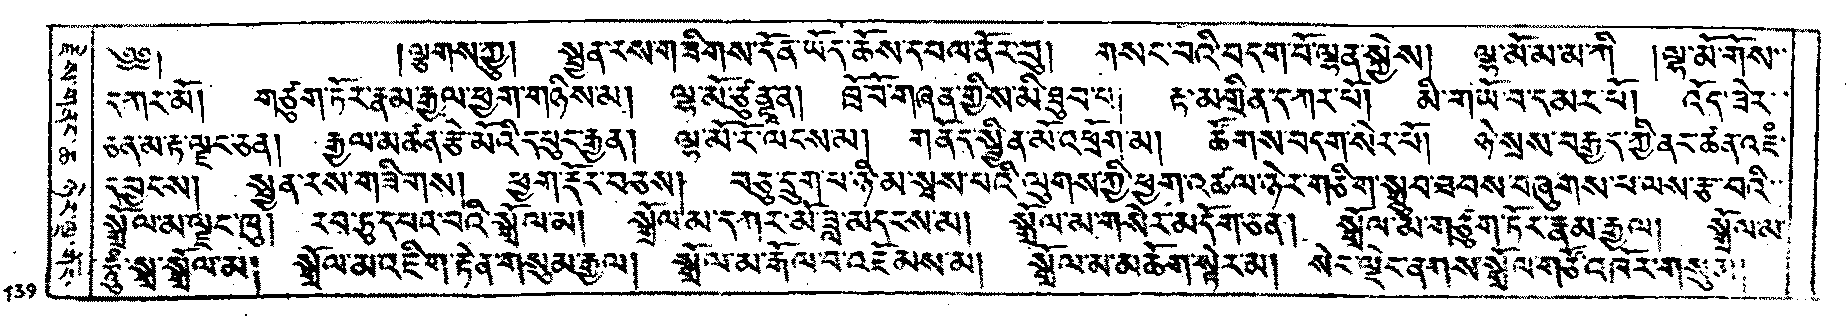༄༅། །ལྕགས་ཀྱུ། སྤྱན་རས་གཟིགས་དོན་ཡོད་ཆོས་དཔལ་ནོར་བུ། གསང་བའི་བདག་པོ་ལྷན་སྐྱེས། ལྷ་མོ་མ་མ་ཀི། ལྷ་མོ་གོས་
དཀར་མོ། གཙུག་ཏོར་རྣམ་རྒྱལ་ཕྱག་གཉིས་མ། ལྷ་མོ་ཙུནྟཱ་ན། ཁྲོ་བོ་གཞན་གྱིས་མི་ཐུབ་པ། རྟ་མགྲིན་དཀར་པོ། མི་གཡོ་བ་དམར་པོ། འོད་ཟེར་
ཅན་མ་རྟ་ལྗང་ཅན། རྒྱལ་མཚན་རྩེ་མོའི་དཔུང་རྒྱན། ལྷ་མོ་རོ་ལངས་མ། གནོད་སྦྱིན་མོ་འཕྲོག་མ། ཚོགས་བདག་གསེར་པོ། ཉེ་སྲས་བརྒྱད་ཀྱི་ནང་ཚན་འཇཾ་
དབྱངས། སྤྱན་རས་གཟིགས། ཕྱག་རྡོར་བཅས། བཅུ་དྲུག་པ་ཉི་མ་སྦས་པའི་ལུགས་ཀྱི་ཕྱག་འཚལ་ཉེར་གཅིག་སྒྲུབ་ཐབས་བཞུགས་པ་ལས་རྩ་བའི་
སྒྲོལ་མ་ལྗང་ཁུ། རབ་ཏུ་དཔའ་བའི་སྒྲོལ་མ། སྒྲོལ་མ་དཀར་མོ་ཟླ་མདངས་མ། སྒྲོལ་མ་གསེར་མདོག་ཅན། སྒྲོལ་མ་གཙུག་ཏོར་རྣམ་རྒྱལ། སྒྲོལ་མ་
ཧཱུཾ་སྒྲ་སྒྲོལ་མ། སྒྲོལ་མ་འཇིག་རྟེན་གསུམ་རྒྱལ། སྒྲོལ་མ་རྒོལ་བ་འཇོམས་མ། སྒྲོལ་མ་མཆོག་སྟེར་མ། སེང་ལྡེང་ནགས་སྒྲོལ་གཙོ་འཁོར་གསུམ།